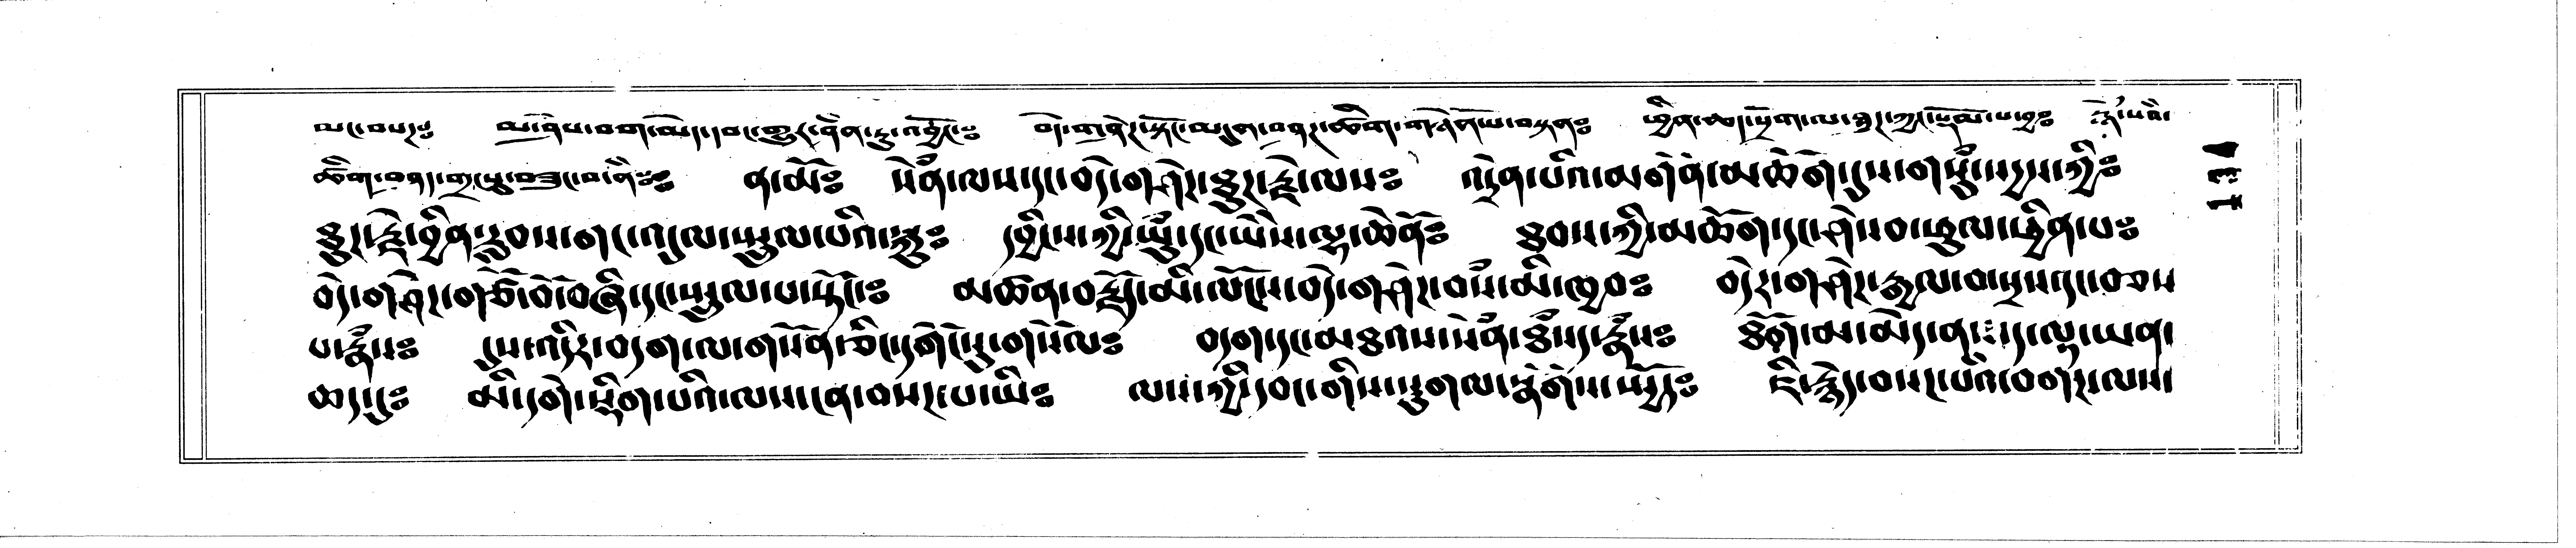མང་བསགསཿ མ་ཤེས་བག་མེད་དབང་གྱུར་ཤིན་ཏུ་འགྱོདཿ བདེར་གཤེགས་སྟོང་མདུན་བཤགས་ཚིག་གཉེན་པོ་བསྟེནཿ ཕྱིན་ཆད་སྲོག་ལ་ཐུག་ཀྱང་བསྡམ་པར་བྱཿ སྙམ་པའི་
ཚིག་བཤད་གྲངས་སུ་བཟུང་བ་ནིཿ ན་མོ་སེམས་ཅན་ལས་དང་བདེར་གཤེགས་ཐུགས་རྗེ་ལསཿ འདྲེན་པའི་མགོན་མཆོག་དུས་གསུམ་སངས་རྒྱས་ཀྱིཿ 
ཐུགས་རྗེ་བྱིན་རླབས་གང་འདུལ་སྤྲུལ་པའི་སྐུཿ དབྱིངས་ཀྱི་ཡུམ་དང་ཡེ་ཤེས་ལྷ་ཆེན་པོཿ ཐབས་ཀྱི་མཆོག་དང་ཤེས་རབ་ཕུལ་ཕྱིན་པཿ 
བདེར་གཤེགས་གཙོ་བོ་བཞི་དང་སྤྲུལ་པ་སྟོངཿ མཚན་བརྗོད་མི་ལང་བདེར་གཤེགས་བསམ་མི་ཁྱབཿ བདེར་གཤེགས་རྒྱལ་བ་སྲས་དང་བཅས་
པ་རྣམསཿ དུས་འདིར་བདག་ལ་གསོན་ཅིང་དགོངས་སུ་གསོལཿ བདག་དང་མཐའ་ཡས་སེམས་ཅན་ཐམས་ཅད་རྣམསཿ ཐོག་མ་མེད་ནས་ད་ལྟ་ཡན་
ཆད་དུཿ མི་དགེ་སྡིག་པའི་ལས་ངན་བསགས་པ་ཡིཿ ལས་ཀྱི་དབང་གིས་སྡུག་བསྔལ་སྣ་ཚོགས་སྤྱོདཿ ཇི་སྙེད་བསགས་པའི་བག་ཆགས་ལས་